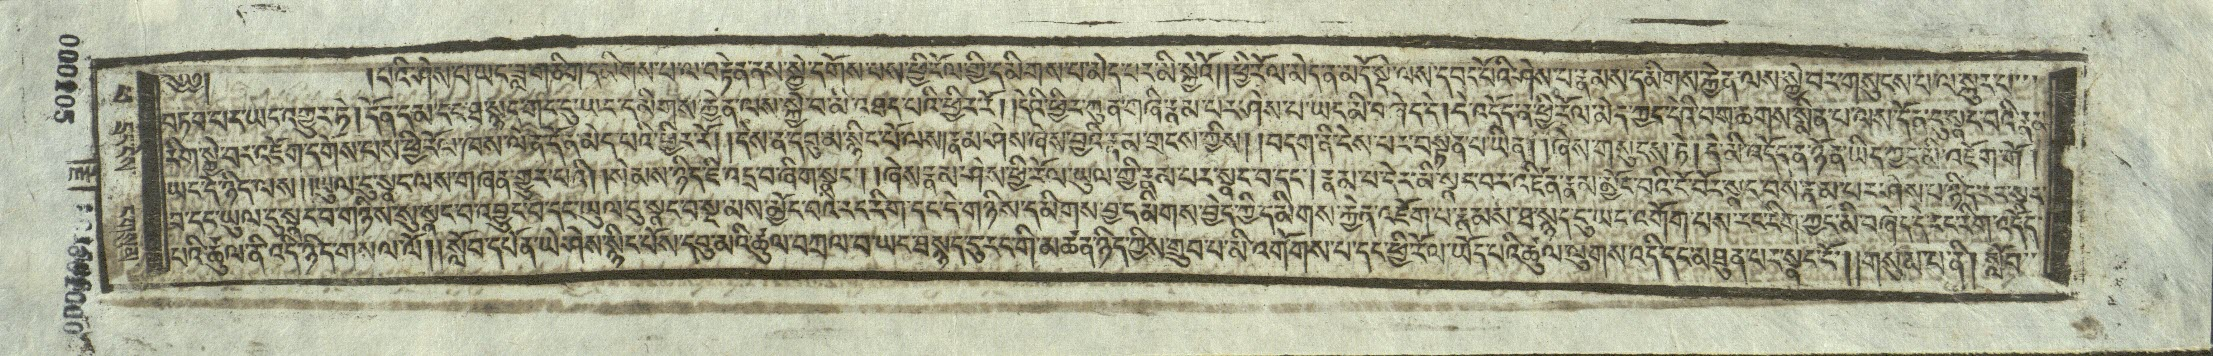༄༅། །བའི་ཤེས་པ་ཡང་ཟླ་གཅིག་དམིགས་པ་ལ་བརྟེན་ནས་སྐྱེ་དགོས་པས་ཕྱི་རོལ་གྱི་དམིགས་པ་མེད་པར་མི་སྐྱེའོ། །ཕྱི་རོལ་མེད་ན་མདོ་སྡེ་ལས་དབང་པོའི་ཤེས་པ་རྣམས་དམིགས་རྐྱེན་ལས་སྐྱེ་བར་གསུངས་པ་ལ་སྐུར་པ་
བཏབ་པར་ཡང་འགྱུར་ཏེ། དོན་དམ་དང་ཐ་སྙད་གང་དུ་ཡང་དམིགས་རྐྱེན་ལས་སྐྱེ་བ་མི་འཐད་པའི་ཕྱིར་རོ། །དེའི་ཕྱིར་ཀུན་གཞི་རྣམ་པར་ཤེས་པ་ཡང་མི་བཞེད་དེ། དེ་འདོད་ན་ཕྱི་རོལ་མེད་ཀྱང་དེའི་བག་ཆགས་སྨིན་པ་ལས་དོན་དུ་སྣང་བའི་རྣམ་
རིག་སྐྱེ་བར་འཇོག་དགོས་པས་ཕྱི་རོལ་ཁས་ལེན་དོན་མེད་པའི་ཕྱིར་རོ། །དེས་ན་དབུ་མ་སྙིང་པོ་ལས། རྣམ་ཤེས་ཞེས་བྱའི་རྣམ་གྲངས་ཀྱིས། །བདག་ནི་ངེས་པར་བསྟན་པ་ཡིན། །ཞེས་གསུངས་ཏེ། དེ་མི་འདོད་ན་ཉོན་ཡིད་ཀྱང་མི་འཇོག་གོ །
ཡང་དེ་ཉིད་ལས། ཡུལ་དུ་སྣང་ལས་གཞན་གྱུར་པའི། །སེམས་ཉིད་ཇི་འདྲ་བ་ཞིག་སྣང་། །ཞེས་རྣམ་ཤེས་ཕྱི་རོལ་ཡུལ་གྱི་རྣམ་པར་སྣང་བ་དང་། རྣམ་པ་དེར་མི་སྣང་བར་འཛིན་རྣམ་མྱོང་བའི་ངོ་བོར་སྣང་བས་རྣམ་པར་ཤེས་པ་ཉིད་རང་སྣང་
བ་དང་ཡུལ་དུ་སྣང་བ་གཉིས་སུ་སྣང་བ་འབྱུང་བ་དང་ཡུལ་དུ་སྣང་བ་སྔ་མས་མྱོང་བའི་རང་རིག་དང་དེ་གཉིས་དམིགས་བྱ་དམིགས་བྱད་ཀྱི་དམིགས་རྐྱན་འཇོག་པ་རྣམས་ཐ་སྙད་དུ་ཡང་འགོག་པས་རང་རིག་ཀྱང་མི་བཞེད་དེ་རང་རིག་འདོད་
པའི་ཚུལ་ནི་འདི་ཉིད་གསལ་ལོ། །སློབ་དཔོན་ཡེ་ཤེས་སྙིང་པོས་དབུ་མའི་ཚུལ་བཀྲལ་བ་ཡང་ཐ་སྙད་དུ་རང་གི་མཚན་ཉིད་ཀྱིས་གྲུབ་པ་མི་འགེགས་པ་དང་ཕྱི་རོལ་ཡོད་པའི་ཚུལ་ལུགས་འདི་དང་མཐུན་པར་སྣང་ངོ། །གསུམ་པ་ནི། སློབ་